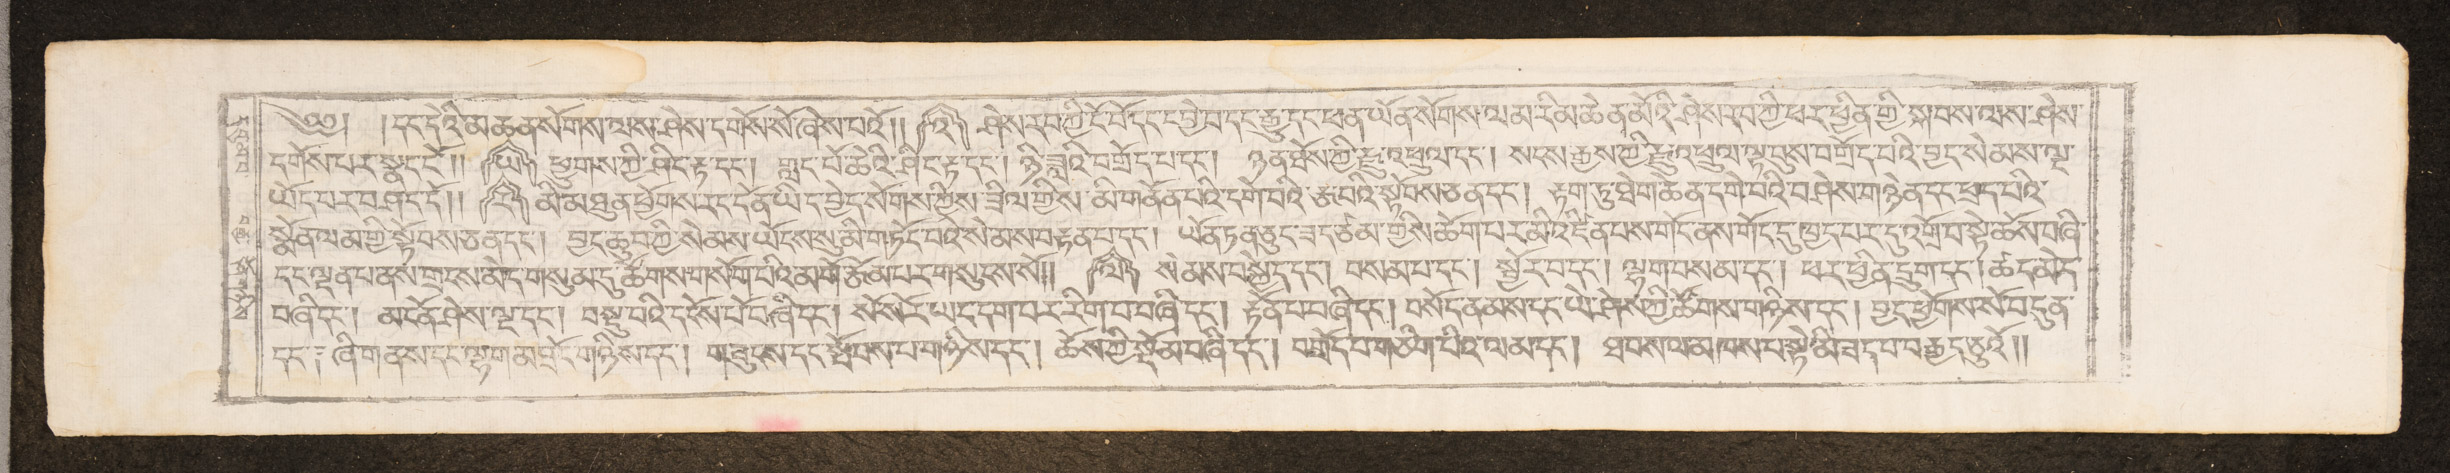༄༅། །དང་དེའི་མཆན་སོགས་ལས་ཤེས་དགོས་སོ་ཞེས་པའོ།། ༼༽འ༼༽ ཤེས་རབ་ཀྱི་ངོ་བོ་དང་དབྱེ་བ་དང་རྒྱུ་དང་ཕན་ཡོན་སོགས་ལམ་རིམ་ཆེན་མོའི་ཤེས་རབ་ཀྱི་ཕར་ཕྱིན་གྱི་སྐབས་ལས་ཤེས་
དགོས་པར་སྣང་ངོ།། ༼༽ཡ༼༽ ཕྱུགས་ཀྱི་ཤིང་རྟ་དང་། གླང་པོ་ཆེའི་ཤིང་རྟ་དང་། ཉི་ཟླའི་བགྲོད་པ་དང་། ཉན་ཐོས་ཀྱི་རྫུ་འཕྲུལ་དང་། སངས་རྒྱས་ཀྱི་རྫུ་འཕྲུལ་ལྟ་བུས་བགྲོད་པའི་བྱང་སེམས་ལྔ་
ཡོད་པར་བཤད་དོ།། ༼༽ར༼༽ མི་མཐུན་ཕྱོགས་རང་དོན་ཡིད་བྱེད་སོགས་ཀྱིས་ཟིལ་གྱིས་མི་གནོན་པའི་དགེ་བའི་རྩ་བའི་སྟོབས་ཅན་དང་། རྟག་ཏུ་ཐེག་ཆེན་དགེ་བའི་བཤེས་གཉེན་དང་ཕྲད་པའི་
སྨོན་ལམ་གྱི་སྟོབས་ཅན་དང་། བྱང་ཆུབ་ཀྱི་སེམས་ཡོངས་སུ་མི་གཏོང་བའི་སེམས་བརྟན་པ་དང་། ཡོན་ཏན་ཅུང་ཟད་ཙམ་གྱིས་ཆོག་པར་མི་འཛིན་པས་གོང་ནས་གོང་དུ་ཁྱད་པར་དུ་འགྲོ་བ་སྟེ་ཆོས་བཞི་
དང་ལྡན་པ་ནས་གྲངས་མེད་གསུམ་དུ་ཚོགས་གསོག་པའི་མགོ་རྩོམ་པར་གསུངས་སོ།། ༼༽ལ༼༽ སེམས་བསྐྱེད་དང་། བསམ་པ་དང་། སྦྱོར་བ་དང་། ལྷག་བསམ་དང་། ཕར་ཕྱིན་དྲུག་དང་། ཚད་མེད་
བཞི་དང་། མངོན་ཤེས་ལྔ་དང་། བསྡུ་བའི་དངོས་པོ་བཞི་དང་། སོ་སོར་ཡང་དག་པར་རིག་པ་བཞི་དང་། རྟོན་པ་བཞི་དང་། བསོད་ནམས་དང་ཡེ་ཤེས་ཀྱི་ཚོགས་གཉིས་དང་། བྱང་ཕྱོགས་སོ་བདུན་
དང༑ ཞི་གནས་དང་ལྷག་མཐོང་གཉིས་དང་། གཟུངས་དང་སྤོབས་པ་གཉིས་དང་། ཆོས་ཀྱི་སྡོམ་བཞི་དང་། བགྲོད་པ་གཅིག་པའི་ལམ་དང་། ཐབས་ལ་མཁས་པ་སྟེ་མི་ཟད་པ་བརྒྱད་ཅུའོ།།